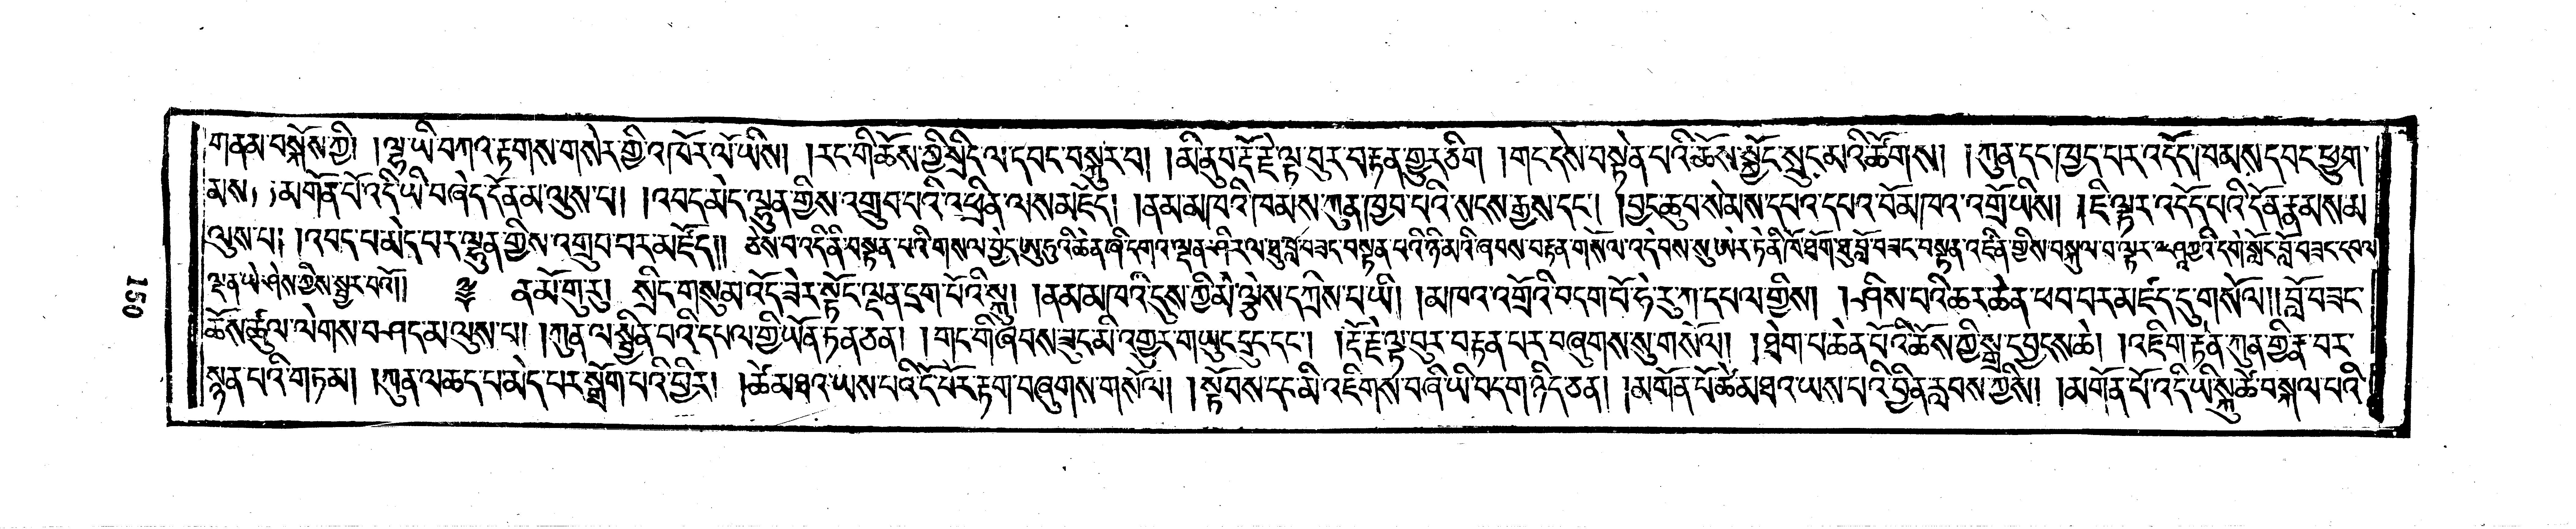གནམ་བསྐོས་ཀྱི། །ལྷ་ཡི་བཀའ་རྟགས་གསེར་གྱི་འཁོར་ལོ་ཡིས། །རང་གི་ཆོས་ཀྱི་སྲིད་ལ་དབང་བསྐུར་བ། །མི་ནུབ་རྡོ་རྗེ་ལྟ་བུར་བརྟན་གྱུར་ཅིག །གང་དེས་བསྟེན་པའི་ཆོས་སྐྱོང་སྲུང་མའི་ཚོགས། །ཀུན་དང་ཁྱད་པར་འདོད་ཁམས་དབང་ཕྱུག་
མས༑ ༑མགོན་པོ་འདི་ཡི་བཞེད་དོན་མ་ལུས་པ། །འབད་མེད་ལྷུན་གྱིས་འགྲུབ་པའི་འཕྲིན་ལས་མཛོད། །ནམ་མཁའི་ཁམས་ཀུན་ཁྱབ་པའི་སངས་རྒྱས་དང་། །བྱང་ཆུབ་སེམས་དཔའ་དཔའ་བོ་མཁའ་འགྲོ་ཡིས། །ཇི་ལྟར་འདོད་པའི་དོན་རྣམས་མ་
ལུས་པ། །འབད་པ་མེད་པར་ལྷུན་གྱིས་འགྲུབ་པར་མཛོད།། ཅེས་བ་འདི་ནི་བསྟན་པའི་གསལ་བྱེད་ཨུ་ཧུའི་ཆེན་ཞི་དགའ་ལྡན་ཤི་རལ་ཐུ་བློ་བཟང་བསྟན་པའི་ཉི་མའི་ཞབས་བརྟན་གསོལ་འདེབས་སུ་ཨེར་ཏེ་ནི་ཁོ་ཐོག་ཐུ་བློ་བཟང་བསྟན་འཛིན་གྱིས་བསྐུལ་བ་ལྟར་༧་ཤཱཀྱའི་དགེ་སློང་བློ་བཟང་དབལ་
ལྡན་ཡེ་ཤེས་ཀྱིས་སྦྱར་བའོ།། ༈ ན་མོ་གུ་རུ། སྲིད་གསུམ་འོད་ཟེར་སྟོང་ལྡན་དྲག་པོའི་སྐུ། །ནམ་མཁའི་དུས་ཀྱི་མེ་ལྕེས་དཀྲིས་པ་ཡི། །མཁའ་འགྲོའི་བདག་བོ་ཧེ་རུ་ཀ་དཔལ་གྱིས། །ཤིས་བའི་ཆར་ཆེན་ཕབ་པར་མཛད་དུ་གསོལ། །བློ་བཟང་
ཆོས་ཚུལ་ལེགས་བཤད་མ་ལུས་པ། །ཀུན་ལ་སྦྱིན་པའི་དཔལ་གྱི་ཡོན་ཏན་ཅན། །གང་གི་ཞབས་ཟུང་མི་འགྱུར་གཡུང་དྲུང་དང་། །རྡོ་རྗེ་ལྟ་བུར་བརྟན་པར་བཞུགས་སུ་གསོལ། །ཐེག་པ་ཆེན་པོའི་ཆོས་ཀྱི་སྒྲ་དབྱངས་ཆེ། །འཇིག་རྟེན་ཀུན་གྱི་རྣ་བར་
སྙན་པའི་གཏམ། །ཀུན་ལ་ཆད་པ་མེད་པར་སྒྲོག་པའི་ཕྱིར། །ཚེ་མཐའ་ཡས་བའི་ངོ་བོར་རྟག་བཞུགས་གསོལ། །སྟོབས་དང་མི་འཇིགས་བཞི་ཡི་བདག་ཉིད་ཅན། །མགོན་པོ་ཚེ་མཐའ་ཡས་པའི་བྱིན་རླབས་ཀྱིས། །མགོན་པོ་འདི་ཡི་སྐུ་ཚེ་བསྐལ་པའི་